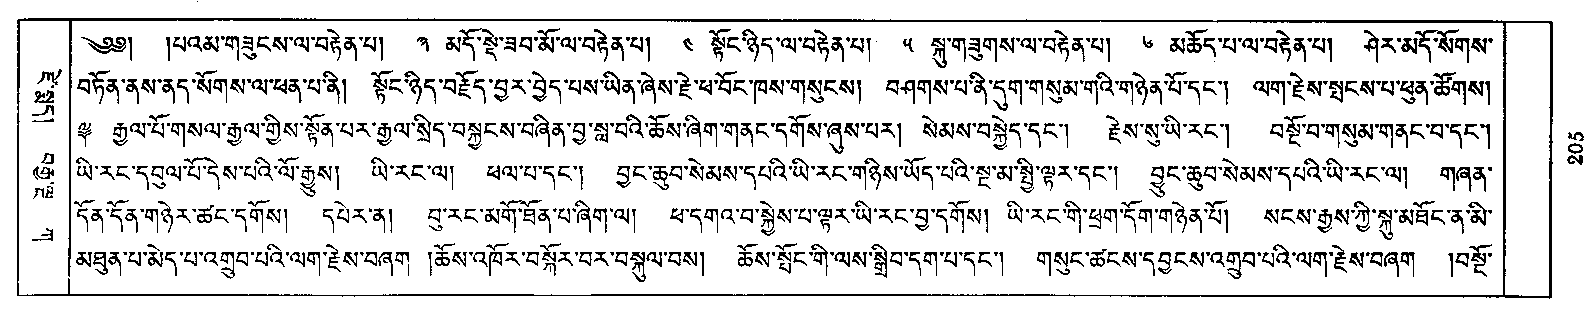༄༅། །པའམ་གཟུངས་ལ་བརྟེན་པ། ༣་མདོ་སྡེ་ཟབ་མོ་ལ་བརྟེན་པ། ༤་སྟོང་ཉིད་ལ་བརྟེན་པ། ༥་སྐུ་གཟུགས་ལ་བརྟེན་པ། ༦་མཆོད་པ་ལ་བརྟེན་པ། ཤེར་མདོ་སོགས་
བཏོན་ནས་ནད་སོགས་ལ་ཕན་པ་ནི། སྟོང་ཉིད་བརྗོད་བྱར་བྱེད་པས་ཡིན་ཞེས་རྗེ་ཕ་བོང་ཁས་གསུངས། བཤགས་པ་ནི་དུག་གསུམ་གའི་གཉེན་པོ་དང་། ལག་རྗེས་སྤངས་པ་ཕུན་ཚོགས།
༈ རྒྱལ་པོ་གསལ་རྒྱལ་གྱིས་སྟོན་པར་རྒྱལ་སྲིད་བསྐྱངས་བཞིན་བྱ་སླ་བའི་ཆོས་ཞིག་གནང་དགོས་ཞུས་པར། སེམས་བསྐྱེད་དང་། རྗེས་སུ་ཡི་རང་། བསྔོ་བ་གསུམ་གནང་བ་དང་།
ཡི་རང་དབུལ་པོ་དེས་པའི་ལོ་རྒྱུས། ཡི་རང་ལ། ཕལ་པ་དང་། བྱང་ཆུབ་སེམས་དཔའི་ཡི་རང་གཉིས་ཡོད་པའི་སྔ་མ་སྤྱི་ལྟར་དང་། བྱུང་ཆུབ་སེམས་དཔའི་ཡི་རང་ལ། གཞན་
དོན་དོན་གཉེར་ཚང་དགོས། དཔེར་ན། བུ་རང་མགོ་ཐོན་པ་ཞིག་ལ། ཕ་དགའ་བ་སྐྱེས་པ་ལྟར་ཡི་རང་བྱ་དགོས། ཡི་རང་གི་ཕྲག་དོག་གཉེན་པོ། སངས་རྒྱས་ཀྱི་སྐུ་མཐོང་ན་མི་
མཐུན་པ་མེད་པ་འགྲུབ་པའི་ལག་རྗེས་བཞག །ཆོས་འཁོར་བསྐོར་བར་བསྐུལ་བས། ཆོས་སྤོང་གི་ལས་སྒྲིབ་དག་པ་དང་། གསུང་ཚངས་དབྱངས་འགྲུབ་པའི་ལག་རྗེས་བཞག །བསྔོ་